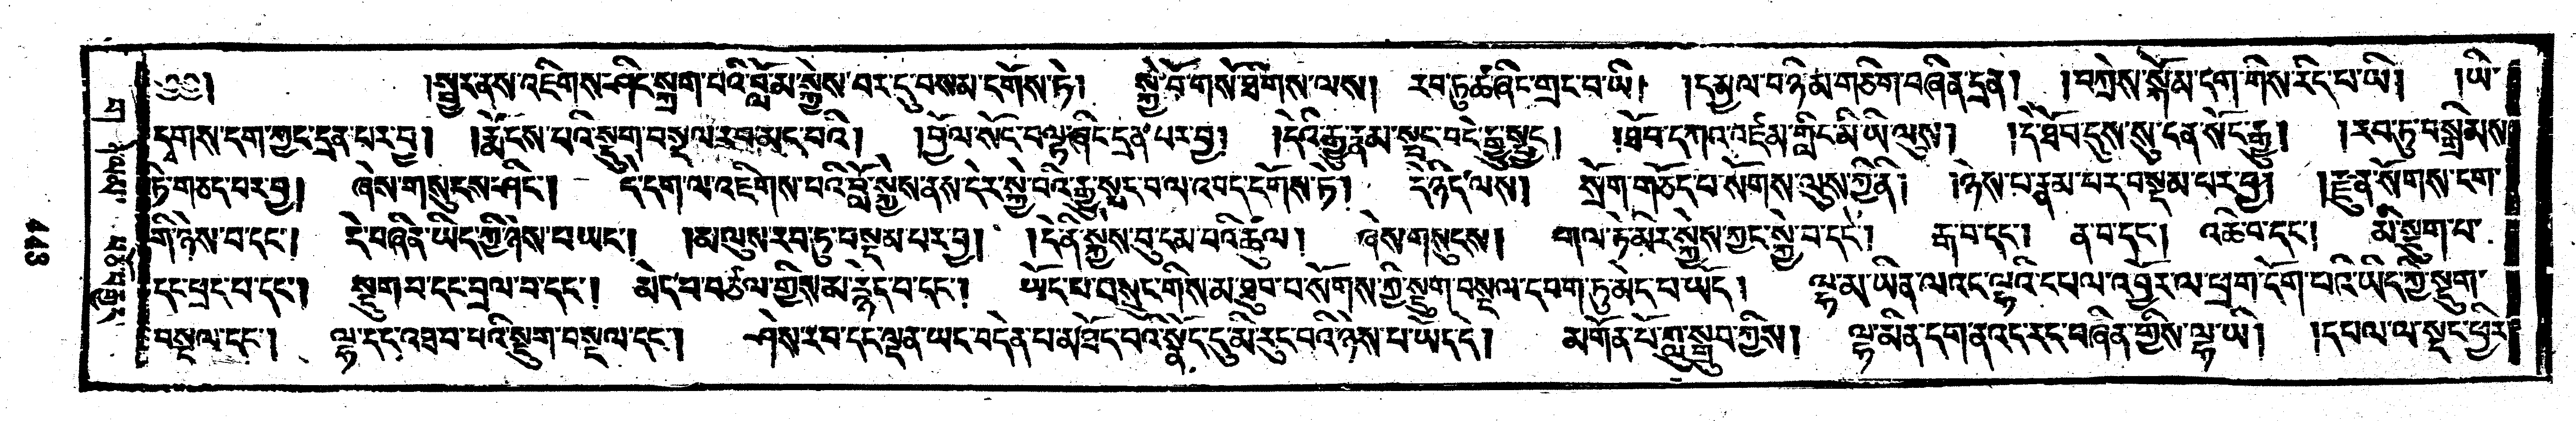༄༅། །སྦྱར་ནས་འཇིགས་ཤིང་སྐྲག་པའི་བློ་མ་སྐྱེས་བར་དུ་བསམ་དགོས་ཏེ། སྐྱེ་བོ་གསོ་ཐིགས་ལས། རབ་ཏུ་ཚ་ཞིང་གྲང་བ་ཡི། །དམྱལ་བ་ཉི་མ་གཅིག་བཞིན་དྲན། །བཀྲེས་སྐོམ་དག་གི་སྲིད་པ་ཡི། །ཡི་
དྭགས་དག་ཀྱང་དྲན་པར་བྱ། །རྨོངས་པའི་སྡུག་བསྔལ་རབ་མང་བའི། །བྱོལ་སོང་བལྟ་ཞིང་དྲན་པར་བྱ། །དེའི་རྒྱུ་རྣམ་སྤང་བདེ་རྒྱུ་སྤྱད། །ཐོབ་དཀའ་འཛམ་གླིང་མི་ཡི་ལུས། །དེ་ཐོབ་དུས་སུ་ངན་སོང་རྒྱུ། །རབ་ཏུ་བསྒྲིམས་
ཏེ་གཅད་པར་བྱ། ཞེས་གསུངས་ཤིང་། དེ་དག་ལ་འཇིགས་པའི་བློ་སྐྱེས་ནས་དེར་སྐྱེ་བའི་རྒྱུ་སྤང་བ་ལ་འབད་དགོས་ཏེ། དེ་ཉིད་ལས། སྲོག་གཅོད་པ་སོགས་ལུས་ཀྱི་ནི། །ཉེས་པ་རྣམ་པར་བསྡམ་པར་བྱ། །རྫུན་སོགས་ངག་
གི་ཉེས་པ་དང་། དེ་བཞིན་ཡིད་ཀྱི་ཉེས་པ་ཡང་། །མ་ལུས་རབ་ཏུ་བསྡམ་པར་བྱ། །དེ་ནི་སྐྱེས་བུ་དམ་པའི་ཚུལ། ཞེས་གསུངས། གལ་ཏེ་མིར་སྐྱེས་ཀྱང་སྐྱེ་བ་དང་། རྒ་བ་དང་། ན་བ་དང་། འཆི་བ་དང་། མི་སྡུག་པ་
དང་ཕྲད་པ་དང་། སྡུག་པ་དང་བྲལ་བ་དང་། མེད་པ་བཙལ་གྱིས་མ་རྙེད་པ་དང་། ཡོད་པ་བསྲུང་གིས་མ་ཐུབ་པ་སོགས་ཀྱི་སྡུག་བསྔལ་དཔག་ཏུ་མེད་པ་ཡོད། ལྷ་མ་ཡིན་ལའང་ལྷའི་དཔལ་འབྱོར་ལ་ཕྲག་དོག་པའི་ཡིད་ཀྱི་སྡུག་
བསྔལ་དང་། ལྷ་དང་འཐབ་པའི་སྡུག་བསྔལ་དང་། ཤེས་རབ་དང་ལྡན་ཡང་བདེན་པ་མཐོང་བའི་སྣོད་དུ་མི་རུང་བའི་ཉེས་པ་ཡོད་དེ། མགོན་པོ་ཀླུ་སྒྲུབ་ཀྱིས། ལྷ་མིན་དག་ནའང་རང་བཞིན་གྱིས་ལྷ་ཡི། །དཔལ་ལ་སྡང་ཕྱིར་